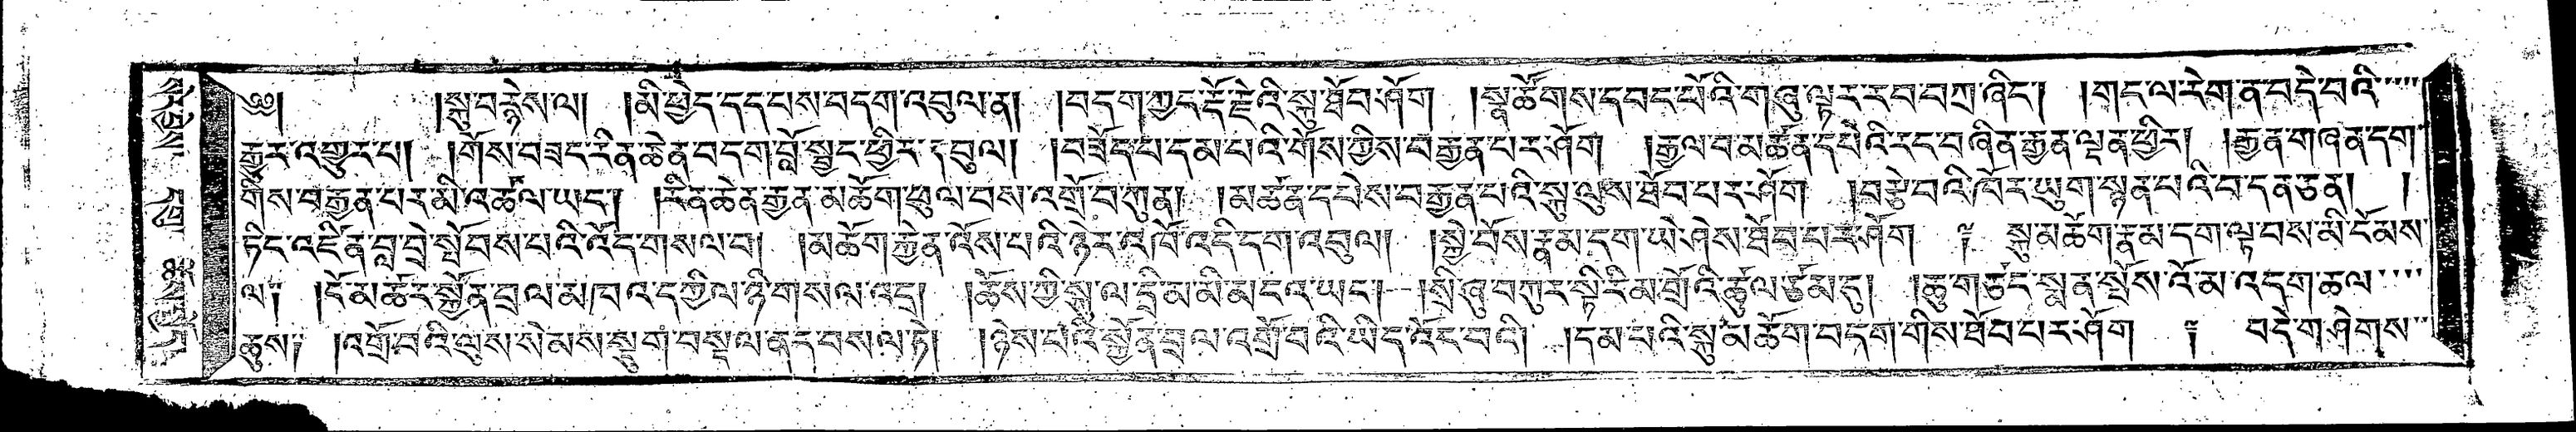༄༅། །སྐུ་བརྙེས་ལ། །མི་ཕྱེད་དད་པས་བདག་འབུལ་ན། །བདག་ཀྱང་རྡོ་རྗེའི་སྐུ་ཐོབ་ཤོག །སྣ་ཚོགས་དབང་པོའི་གཞུ་ལྟར་རབ་བཀྲ་ཞིང་། །གང་ལ་རེག་ན་བདེ་བའི་
རྒྱུར་འགྱུར་པ། །གོས་བཟང་རིན་ཆེན་བདག་བློ་སྦྱང་ཕྱིར་དབུལ། །བཟོད་པ་དམ་པའི་གོས་ཀྱིས་བརྒྱན་པར་ཤོག །རྒྱལ་བ་མཚན་དཔེའི་རང་བཞིན་རྒྱན་ལྡན་ཕྱིར། །རྒྱན་གཞན་དག་
གིས་བརྒྱན་པར་མི་འཚལ་ཡང་། །རིན་ཆེན་རྒྱན་མཆོག་ཕུལ་བས་འགྲོ་བ་ཀུན། །མཚན་དཔེས་བརྒྱན་པའི་སྐུ་ལུས་ཐོབ་པར་ཤོག །བརྩེ་བའི་ཁོར་ཡུག་སྙན་པའི་བ་དན་ཅན། །
ཏིང་འཛིན་བླ་བྲེ་སྤོབས་པའི་འོད་གསལ་བ། །མཆོག་རྐྱེན་འོས་པའི་ཉེར་འཁོ་འདི་དག་འབུལ། །སྐྱེ་བོས་རྣམ་དག་ཡེ་ཤེས་ཐོབ་པར་ཤོག ༈ སྐུ་མཆོག་རྣམ་དག་ལྟ་བས་མི་ངོམས་
ལ༑ །ངོ་མཚར་སྐྱོན་བྲལ་མཁའ་དཀྱིལ་ཉི་གསལ་འདྲ། །ཆོས་ཀྱི་སྐུ་ལ་དྲི་མ་མི་མངའ་ཡང་། །སྲི་ཞུ་བཀུར་སྟི་རིམ་གྲོའི་ཚུལ་ཙམ་དུ། །ཆུ་གཙང་སྨན་སྤོས་འོ་མ་འདག་ཆལ་
ཆུས༑ །འགྲོ་བའི་ལུས་སེམས་སྡུག་བསྔལ་ནད་བསལ་ཏེ། །ཉེས་པའི་སྐྱོན་བྲལ་འགྲོ་བའི་ཡིད་འོང་བའི། །དམ་པའི་སྐུ་མཆོག་བདག་གིས་ཐོབ་པར་ཤོག ༈ བདེ་གཤེགས་